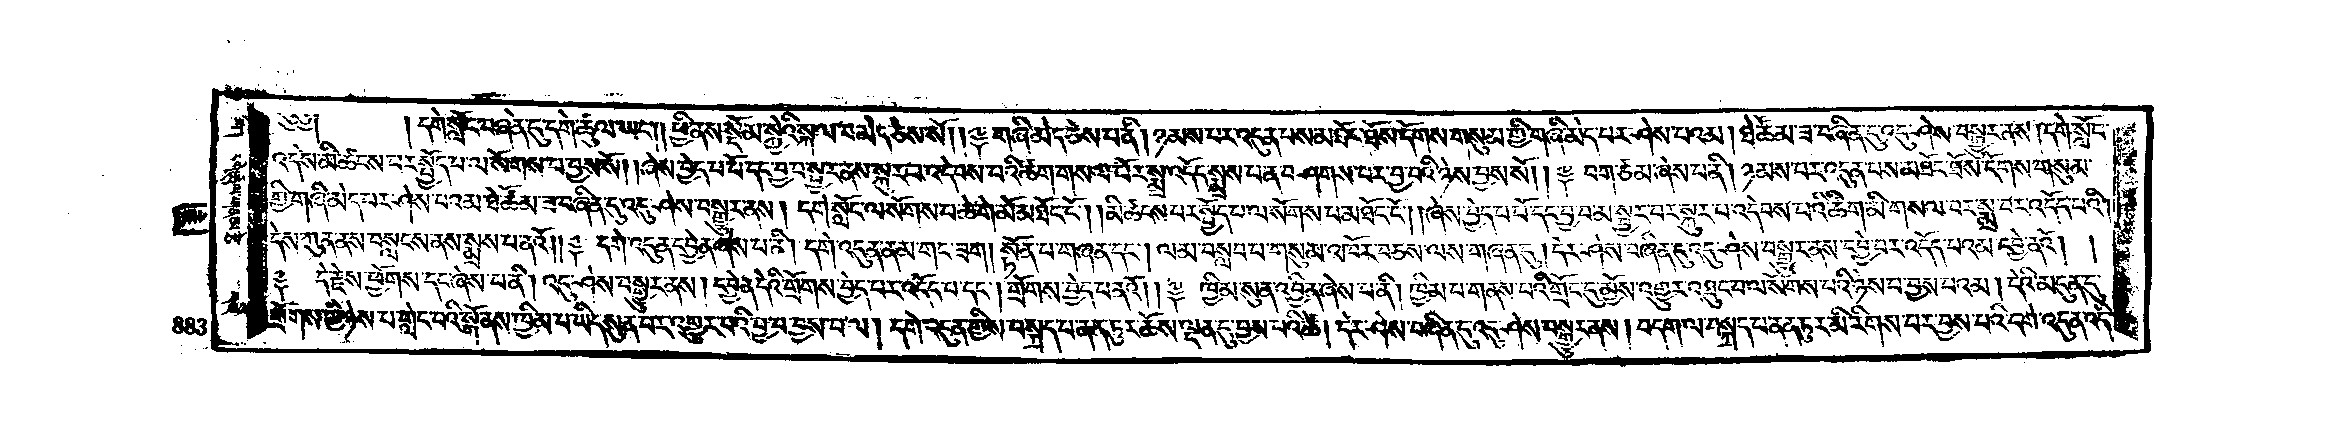༄༅། །དགེ་སློང་བཞིན་དུ་དགེ་ཚུལ་ཡང་། །ཕྱི་ནས་སྡོམ་སྐྱེའི་སྐལ་བ་མེད་ཅེས་སོ།། ༈ གཞི་མེད་ཅེས་པ་ནི། ཉམས་པར་འདུན་པས་མཐོང་ཐོས་དོགས་གསུམ་གྱི་གཞི་མེད་པར་ཤེས་པའམ། ཐེ་ཚོམ་ཟ་བཞིན་དུ་འདུ་ཤེས་བསྒྱུར་ནས། དགེ་སློང་
འདེས་མི་ཚངས་པར་སྤྱོད་པ་ལ་སོགས་པ་བྱས་སོ། །ཞེས་བྱེད་པ་པོ་དང་བྱ་བ་སྤྱར་ནས་སྐུར་བ་འདེབས་པའི་ཚིག་གསལ་པོར་སྨྲ་འདོད་སྨྲས་པ་ན་བཤགས་པར་བྱ་བའི་ཉེས་བྱས་སོ། ། ༈ བག་ཙམ་ཞེས་པ་ནི། ཉམས་པར་འདུན་པས་མཐོང་ཐོས་དོགས་གསུམ་
གྱི་གཞི་མེད་པར་ཤེས་པའམ་ཐེ་ཚོམ་ཟ་བཞིན་དུ་འདུ་ཤེས་བསྒྱུར་ནས། དགེ་སློང་ལ་སོགས་པ་ཆེ་གེ་མོ་མཐོང་ངོ། །མི་ཚངས་པར་སྤྱོད་པ་ལ་སོགས་པ་མཐོང་ངོ། །ཞེས་བྱེད་པ་པོ་དང་བྱ་བ་མ་སྦྱར་བར་སྐུར་བ་འདེབས་པའི་ཚིག་མི་གསལ་བར་སྨྲ་བར་འདོད་པའི།།
དེས་ཀུན་ནས་བསླངས་ནས་སྨྲས་པ་ནའོ།། ༈ དགེ་འདུན་དབྱེན་ཞེས་པ་ནི། དགེ་འདུན་ནམ་གང་ཟག །སྟོན་པ་གཞན་དང་། ལམ་བསླབ་པ་གསུམ་འཁོར་བཅས་ལས་གཞན་དུ། དེར་ཤེས་བཞིན་དུ་འདུ་ཤེས་བསྒྱུར་ནས་དབྱེ་བར་འདོད་པའམ་དབྱེ་ནའོ། །
༈ དེ་རྗེས་ཕྱོགས་དང་ཞེས་པ་ནི། འདུ་ཤེས་བསྒྱུར་ནས། དབྱེ་ན་དེའི་གྲོགས་བྱེད་པར་འདོད་པ་དང་། གྲོགས་བྱེད་པ་ནའོ། ། ༈ ཁྱིམ་སུན་འབྱིན་ཞེས་པ་ནི། ཁྱིམ་པ་གནས་པའི་གྲོང་དུ་མྱོས་འགྱུར་འཐུང་བ་ལ་སོགས་པའི་ཉེས་པ་བྱས་པའམ། དེའི་མདུན་དུ་
གྲོགས་ཀྱི་ཉེས་པ་གླེང་བའི་སྒོ་ནས་ཁྱིམ་པ་ཡིད་སུན་པར་འགྱུར་བའི་བྱ་བ་བྱས་པ་ལ། དགེ་འདུན་གྱིས་བསྐྲད་པ་ནན་ཏུར་ཆོས་ལྡན་དུ་བྱས་པའི་ཚེ། དེར་ཤེས་བཞིན་དུ་འདུ་ཤེས་བསྒྱུར་ནས། བདག་ལ་བསྐྲད་པ་ནན་ཏུར་མི་རིགས་པར་བྱས་པའི་དགེ་འདུན་འདི་